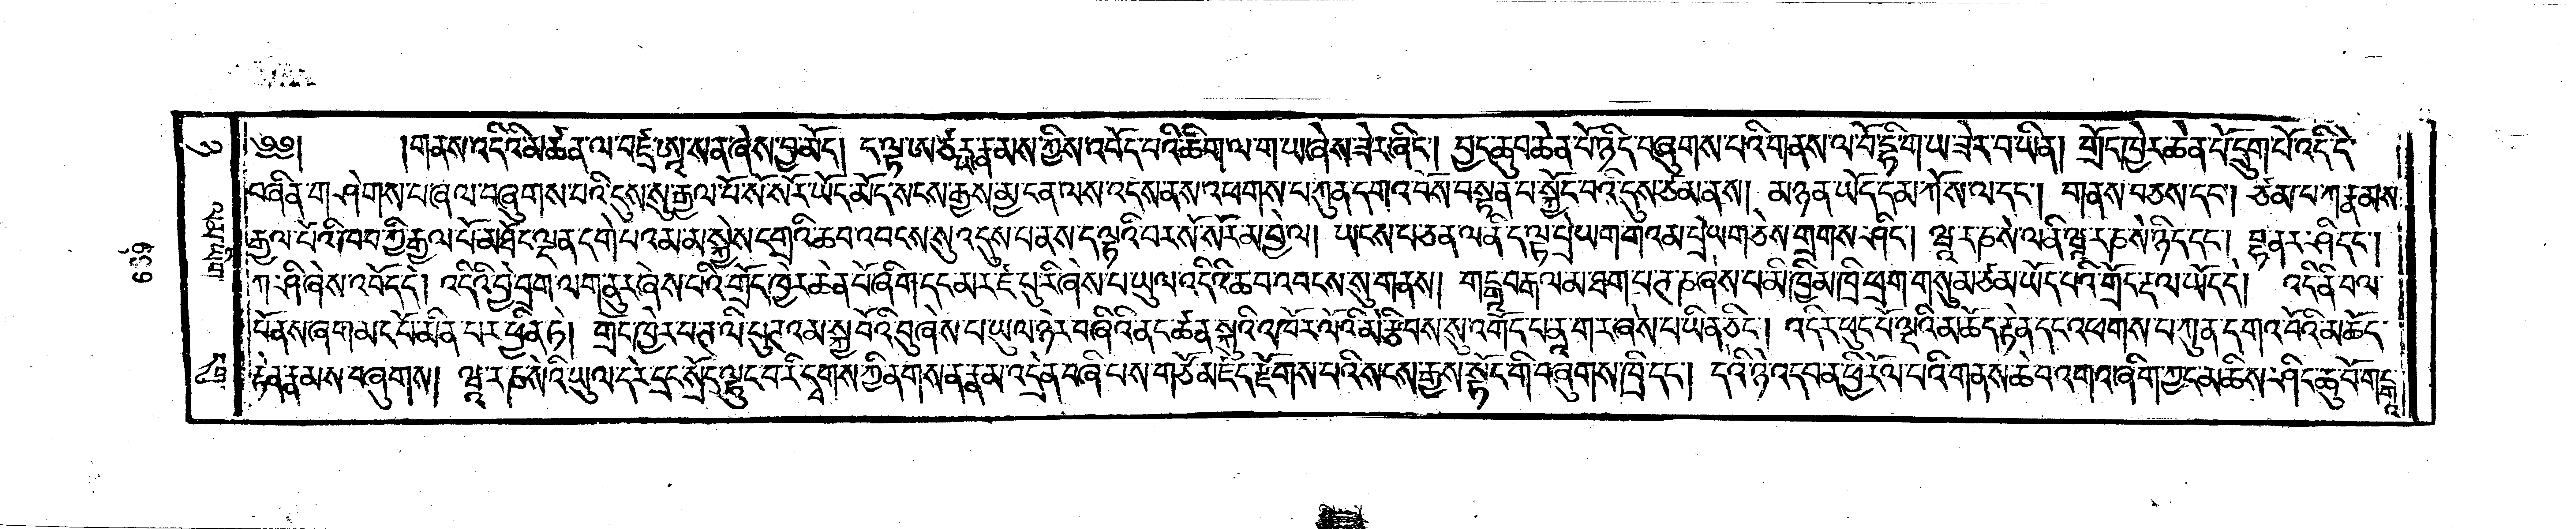༄༅། །གནས་འདིའི་མཚན་ལ་བཛྲ་ཨཱ་སན་ཞེས་བྱ་མོད། ད་ལྟ་ཨ་ཙརྱ་རྣམས་ཀྱིས་འབོད་པའི་ཚིག་ལ་ག་ཡ་ཞེས་ཟེར་ཞིང་། བྱང་ཆུབ་ཆེན་པོ་ཉིད་བཞུགས་པའི་གནས་ལ་བོ་དྷི་ག་ཡ་ཟེར་བ་ཡིན། གྲོང་ཁྱེར་ཆེན་པོ་དྲུག་པོ་འདི་དེ་
བཞིན་གཤེགས་པ་ཞལ་བཞུགས་པའི་དུས་སུ་རྒྱལ་པོ་སོ་སོར་ཡོད་མོད་སངས་རྒྱས་མྱ་ངན་ལས་འདས་ནས་འཕགས་པ་ཀུན་དགའ་བོས་བསྟན་པ་སྐྱོང་བའི་དུས་ཙམ་ནས། མཉན་ཡོད་དམ་ཀོ་ས་ལ་དང་། གནས་བཅས་དང་། ཙམ་པ་ཀ་རྣམས་
རྒྱལ་པོའི་ཁབ་ཀྱི་རྒྱལ་པོ་མཐོང་ལྡན་དགེ་པའམ་མ་སྐྱེས་དགྲའི་ཆབ་འབངས་སུ་འདུས་པ་ནས་ད་ལྟའི་བར་སོ་སོར་མ་བྱེ་ལ། ཡངས་པ་ཅན་ལ་ནི་ད་ལྟ་པྲེ་ཡག་གའམ་པྲེ་ཡག་ཅེས་གྲགས་ཤིང་། ཝཱ་ར་ཎ་སེ་ལ་ནི་ཝཱ་ར་ཎ་སེ་ཉིད་དང་། བྷ་ནར་ཤི་དང་།
ཀ་ཤི་ཞེས་འབོད་དེ། འདིའི་བྱེ་བྲག་ལག་ནུར་ཞེས་པའི་གྲོང་ཁྱེར་ཆེན་པོ་ཞིག་དང་མར་ཛ་པུ་རི་ཞེས་པ་ཡུལ་འདིའི་ཆབ་འབངས་སུ་གནས། གངྒཱ་བརྒལ་མ་ཐག་པ་ཊ་ཎ་ཞེས་པ་མི་ཁྱིམ་ཁྲི་ཕྲག་གསུམ་ཙམ་ཡོད་པའི་གྲོང་རྡལ་ཡོད་དེ། འདི་ནི་བལ་
པོ་ནས་ཞག་མང་པོ་མིན་པར་ཕྱིན་ཏེ། གྲོང་ཁྱེར་པ་ཊ་ལི་པུཊའམ་སྐྱ་བོའི་བུ་ཞེས་པ་ཡུལ་ཉེར་བཞིའི་ནང་ཚན་སྐུའི་འཁོར་ལོའི་མེ་རྩིབས་སུ་འགོད་པ་ནཱ་གར་ཞེས་པ་ཡིན་ཅིང་། འདིར་ཕུང་པོ་ལྔའི་མཆོད་རྟེན་དང་འཕགས་པ་ཀུན་དགའ་བོའི་མཆོད་
རྟེན་རྣམས་བཞུགས། ཝཱ་ར་ཎ་སེའི་ཡུལ་དེར་དྲང་སྲོང་ལྷུང་བ་རི་དྭགས་ཀྱི་ནགས་ན་རྣམ་འདྲེན་བཞི་པས་གཙོ་མཛད་རྫོགས་པའི་སངས་རྒྱས་སྟོང་གི་བཞུགས་ཁྲི་དང་། དེའི་ཉེ་འདབ་ན་ཕྱི་རོལ་པའི་གནས་ཆེ་བ་འགའ་ཞིག་ཀྱང་མཆིས་ཤིང་ཆུ་བོ་གངྒཱ་